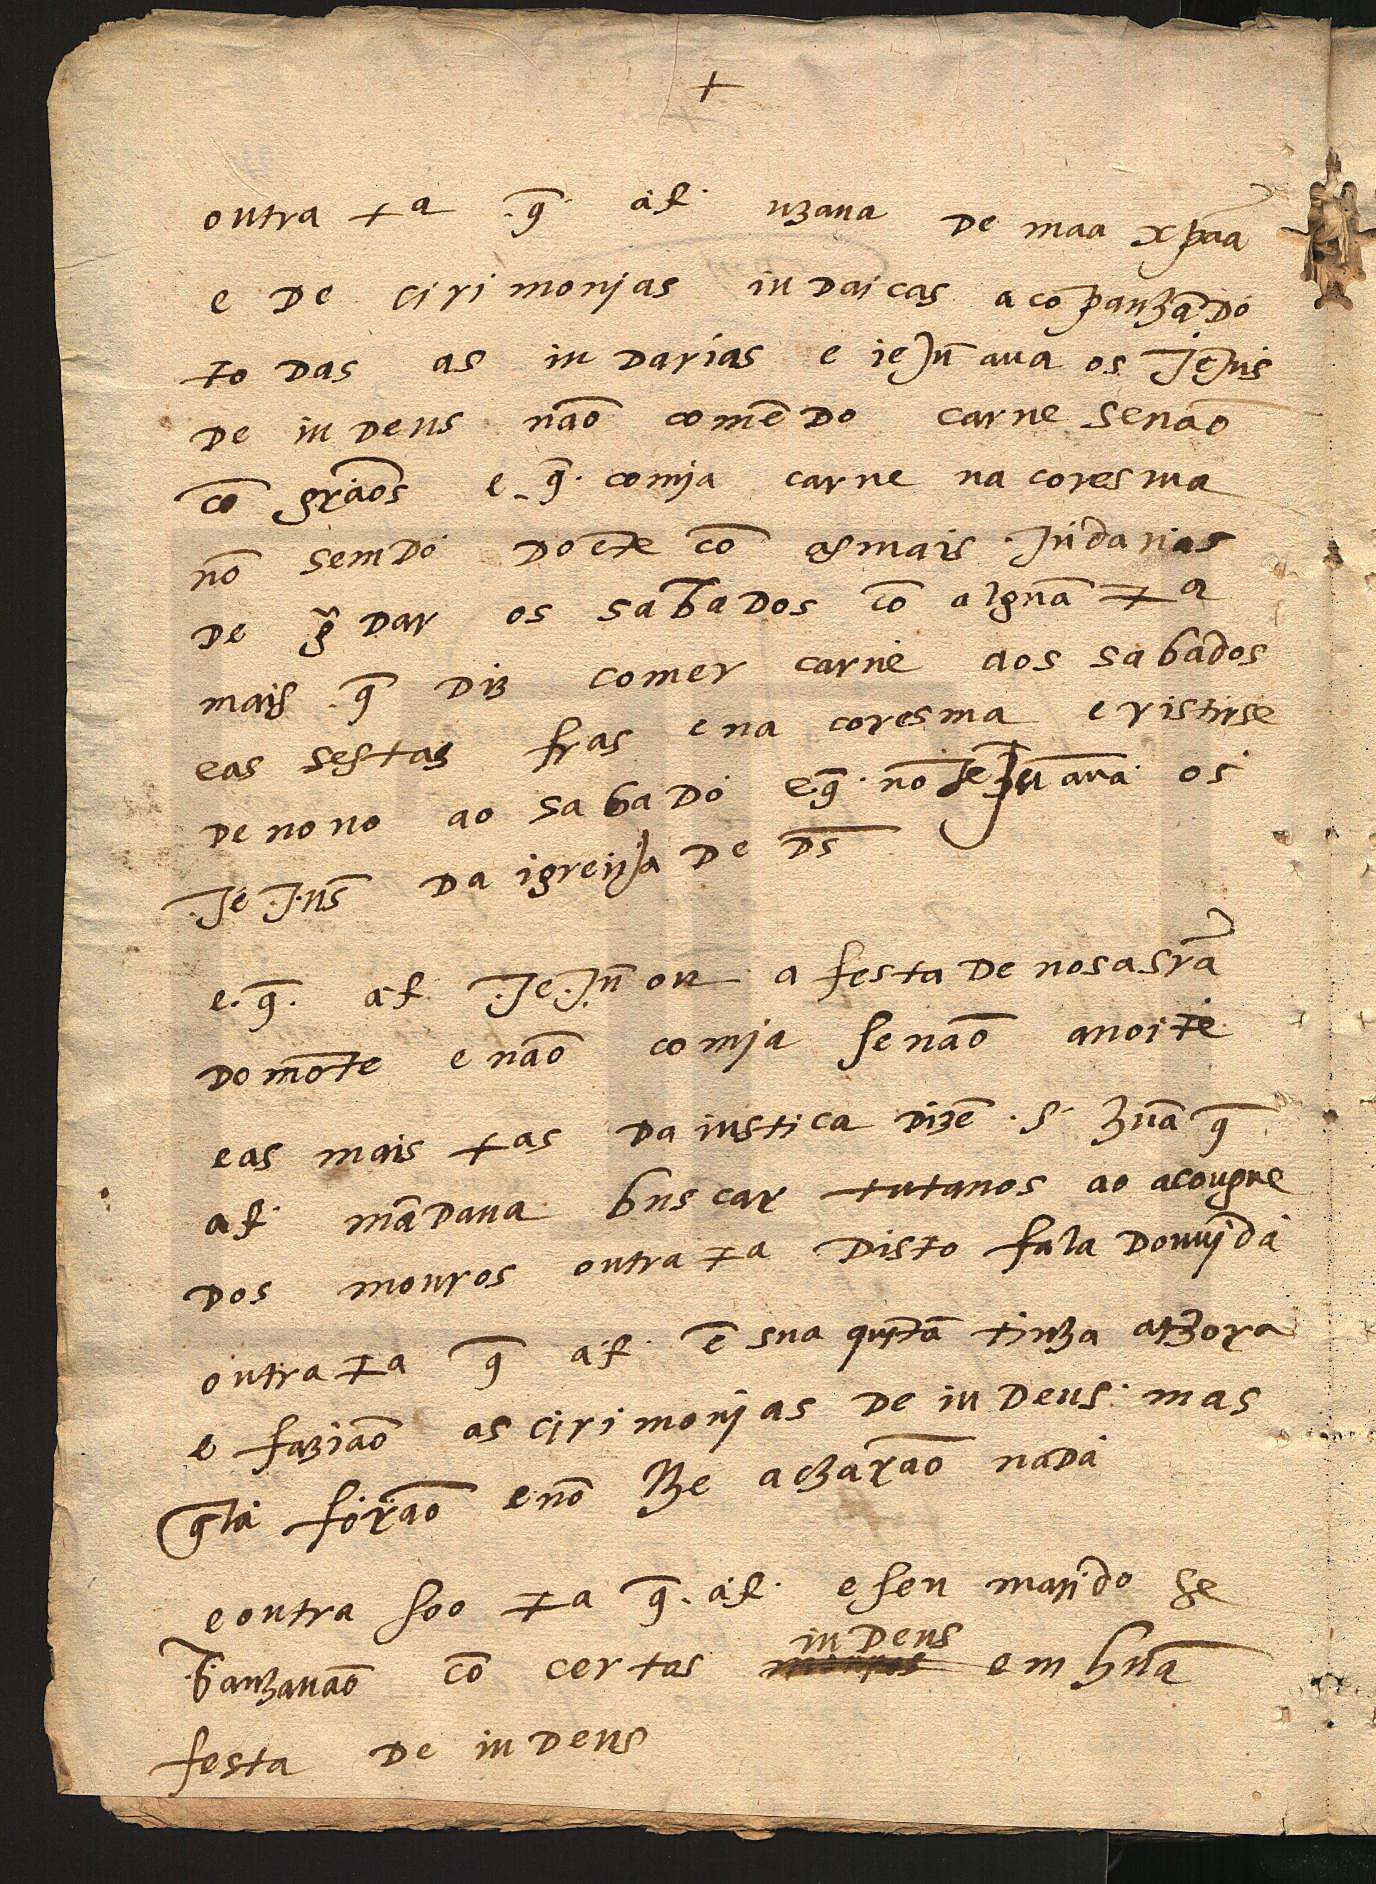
outra ta .q̄. a .R. uzaua De maa xpāa
e De cirimonjas iuDaicas acōpanhāDo
toDas as iuDarias e ieJūaua os Jejus
De iuDeus não comēDo carne senão
c̄o grãos e .q̄. comja carne na coresma
nō semDo Doēte c̄o as mais .Judarias
De ḡDar os sabaDos c̄o algūa ta
mais .q̄ Diz comer carne aos sabados
e as sestas fras e na coresma e vistirse
De nouo ao sabaDo e q̄. n̄o JeJūaua. os
JeJus̄ Da igreiiJa De D̄s
e .q̄. a .R. JeJūou a festa De nosa Sr̄a
Do mōte e não comja senão a noite
e as mais tas Da iustica Dizē .s. hūa q̄
a R. māDaua buscar tutanos ao acougue
Dos mouros outra ta Disto fala Douujda
outra ta q̄ a .R. ē sua quj̄tā tinha a thora
e fazião as cirimonjas De iuDeus. mas
q̄ la forão e nō lhe acharão naDa
e outra soo ta q̄. a .R. e seu marido se
banhauão c̄o certos mouros
iuDeus
em huā
festa De iuDeus
